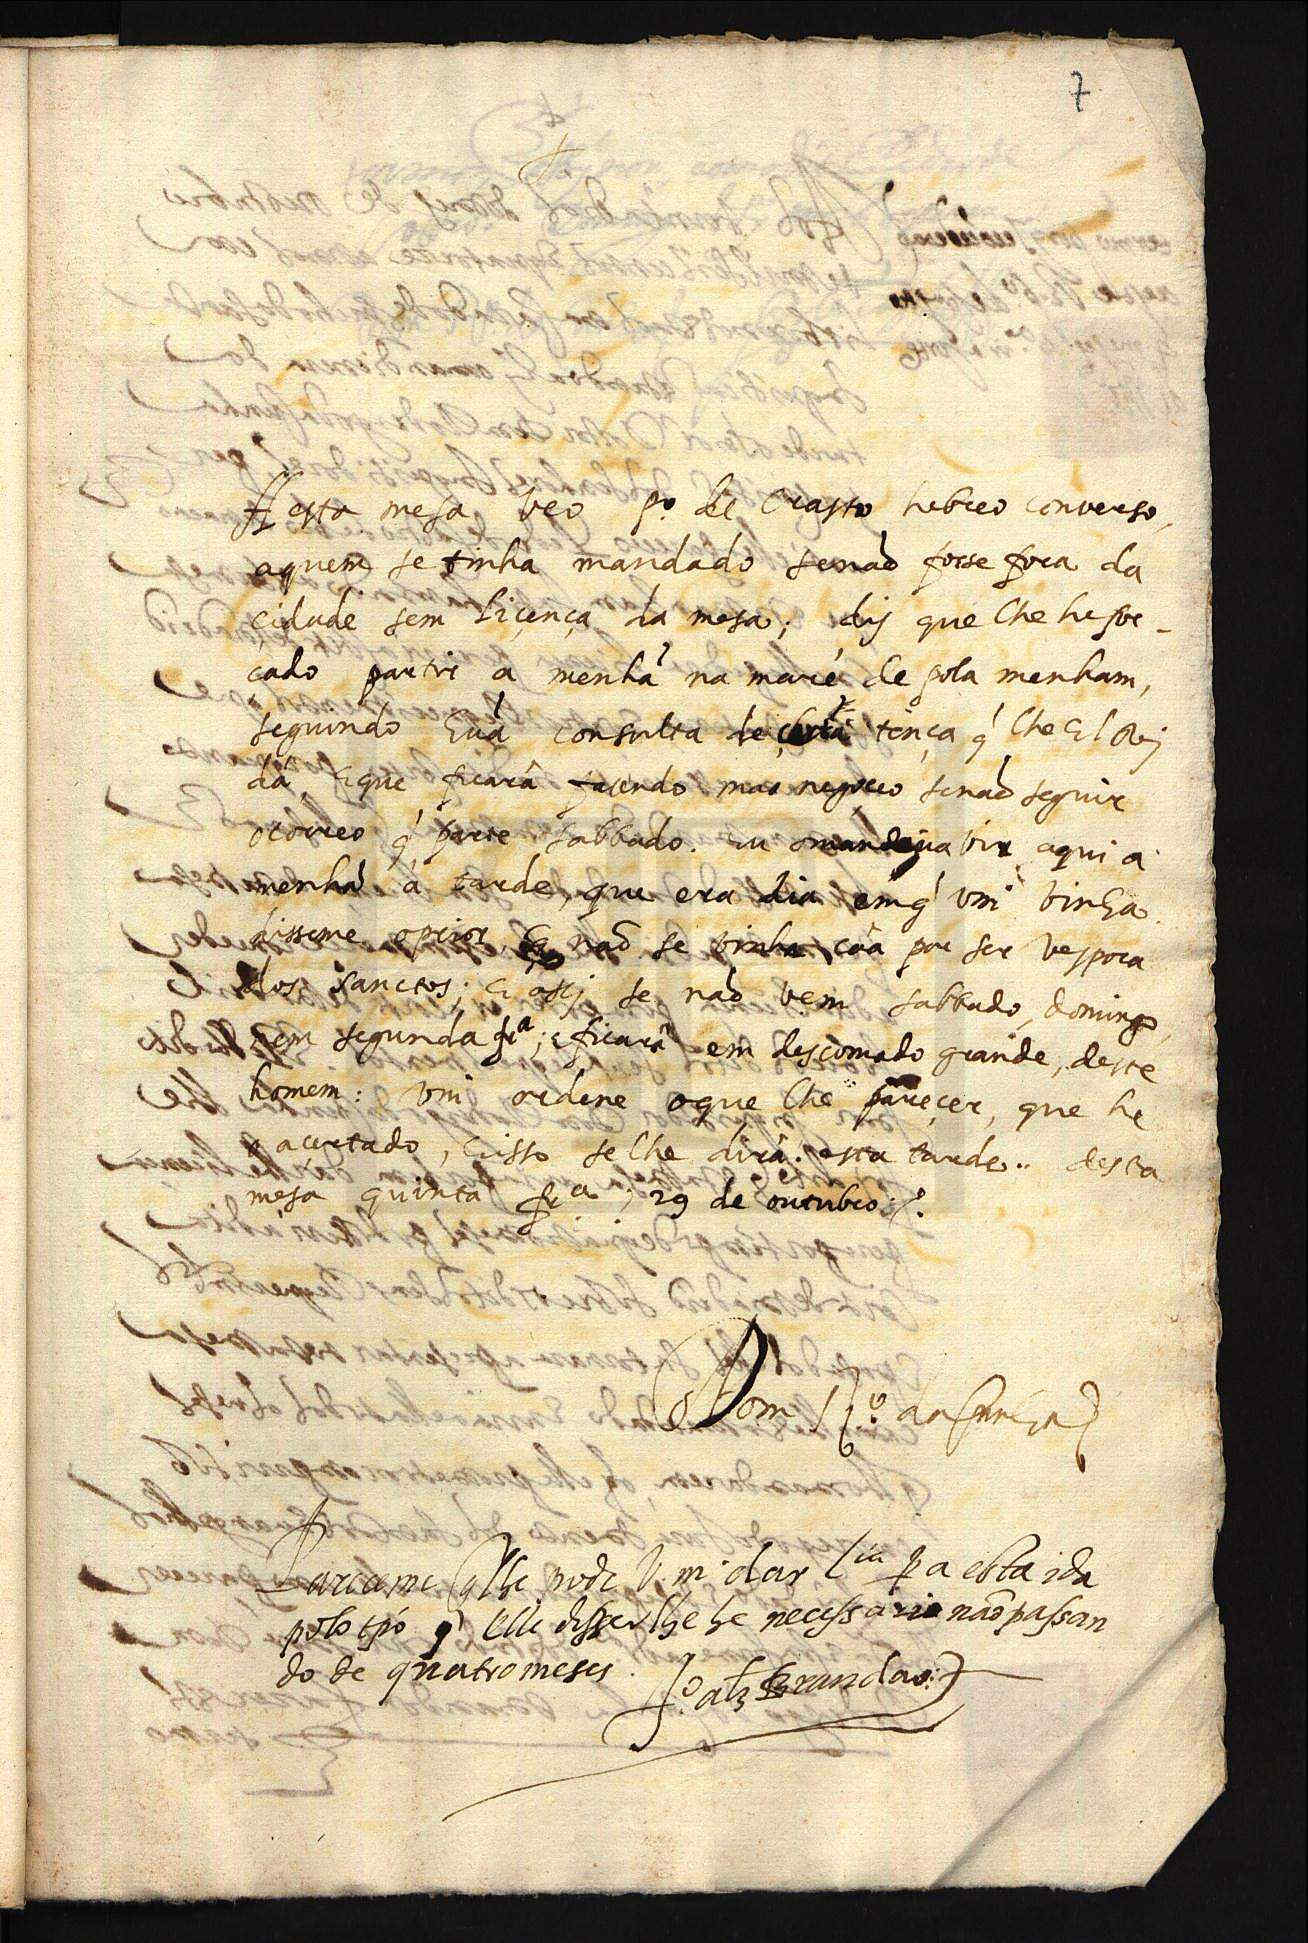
A esta mesa veo po de Crasto hebreo converso,
a quem se tinha mandado se naõ fosse fora da
cidade sem Licença da mesa; dis que lhe he for
çado partir amenhā na maré de pola menham,
seguindo huā consulta de certa tença q̄ lhe El Rej
dá, E que ficará fazendo mao negoceo se naõ seguir
o correo q̄ parte sabbado, Eu o mandaua vir aqui a
menhā à tarde, que era dia em q̄ vm vinha
disseme o prior, q̄ naõ se vinha caa por ser vespora
dos sanctos; E assj se naõ vem sabbado, domingo,
nem segunda fra; E ficará em descomado grande, deste
homem: vm ordene o que lhe parecer, que he
o acertado, E isso se lhe dirá. esta tarde. desta
mesa quinta fr.a 29 de outubro./.
Dom R.o da Cunha
Pareceme q̄ lhe pode V. m. dar lça ꝑa esta ida
polo tpō q̄ elle disser lhe he necessario naõ passan
do de quatro meses.
J.o al̄z Brandao
